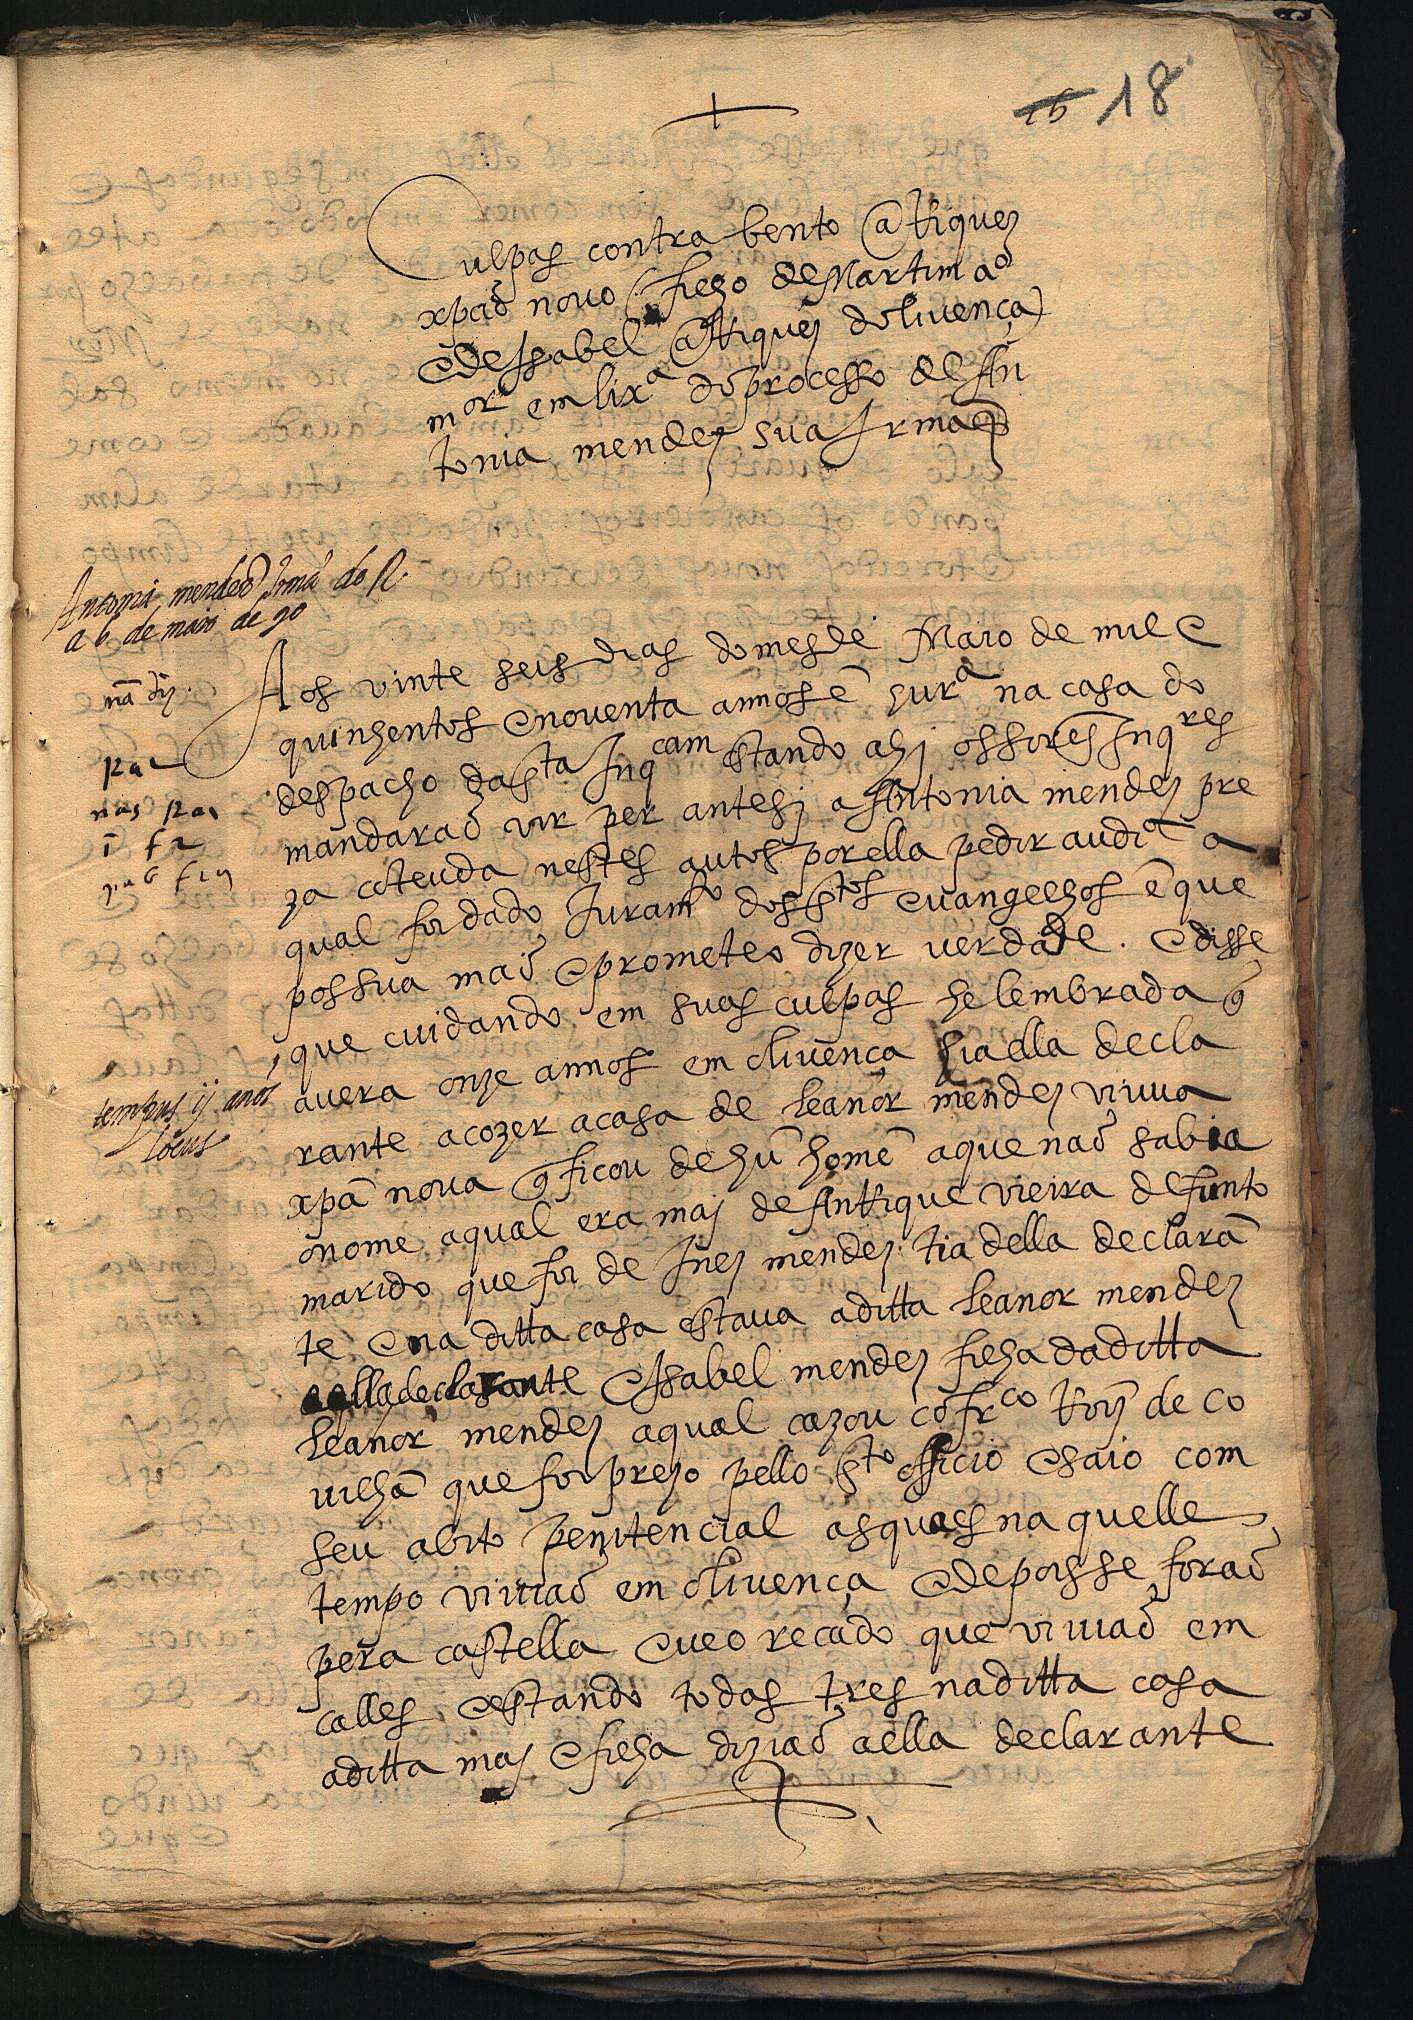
Culpas contra bento āRiquez
xpaõ nouo (filho de Martim ao
e de Jsabel āRiquez doliuença)
mor em lixa do processo de An
tonia mendez sua Jrmã
Antonia mendez Irmã do R
a 6 de maio de 90
Aos vinte seis dias do mes de Maio de mil e
nā diz
quinhentos e nouenta annos ē Eura na casa do
despacho da sta Jnqcam estando ahi os sorēs Jnqres
Ra.
nas Ra.
mandaraõ vir perante sj a Antonia mendez pre
ī f 2
za cōteuda nestes autos por ella pedir audia a
pa 6 f 19
qual foi dado Juramto dos stos euangelhos ē que
pos sua maõ e prometeo dizer uerdade. e disse
que cuidando em suas culpas he lembrada q̄
auera onze anos em oliuença hia ella decla
tempus ii anos
Locus
rante a cozer a casa de leanor mendez viuua
xpã noua q̄ ficou de hū homē a que naõ sabia
o nome a qual era maj de AnRqiue vieira defunto
marido que foi de Jnez mendez tia della declarā
te e na ditta casa estava a ditta Leanor mendez
e ella declarante e Jsabel mendez filha da ditta
Leanor mendez a qual cazou cō frco Roiz̄ de co
uilhã que foi prezo pelo sto officio e saio com
seu abito penitencial as quaes naquelle
tempo viuiaõ em oliuença e depois se foraõ
pera castella e ueo recado que viuiaõ em
calles e estando todas tres na ditta casa
a ditta mai e filha diziaõ a ella declarante
